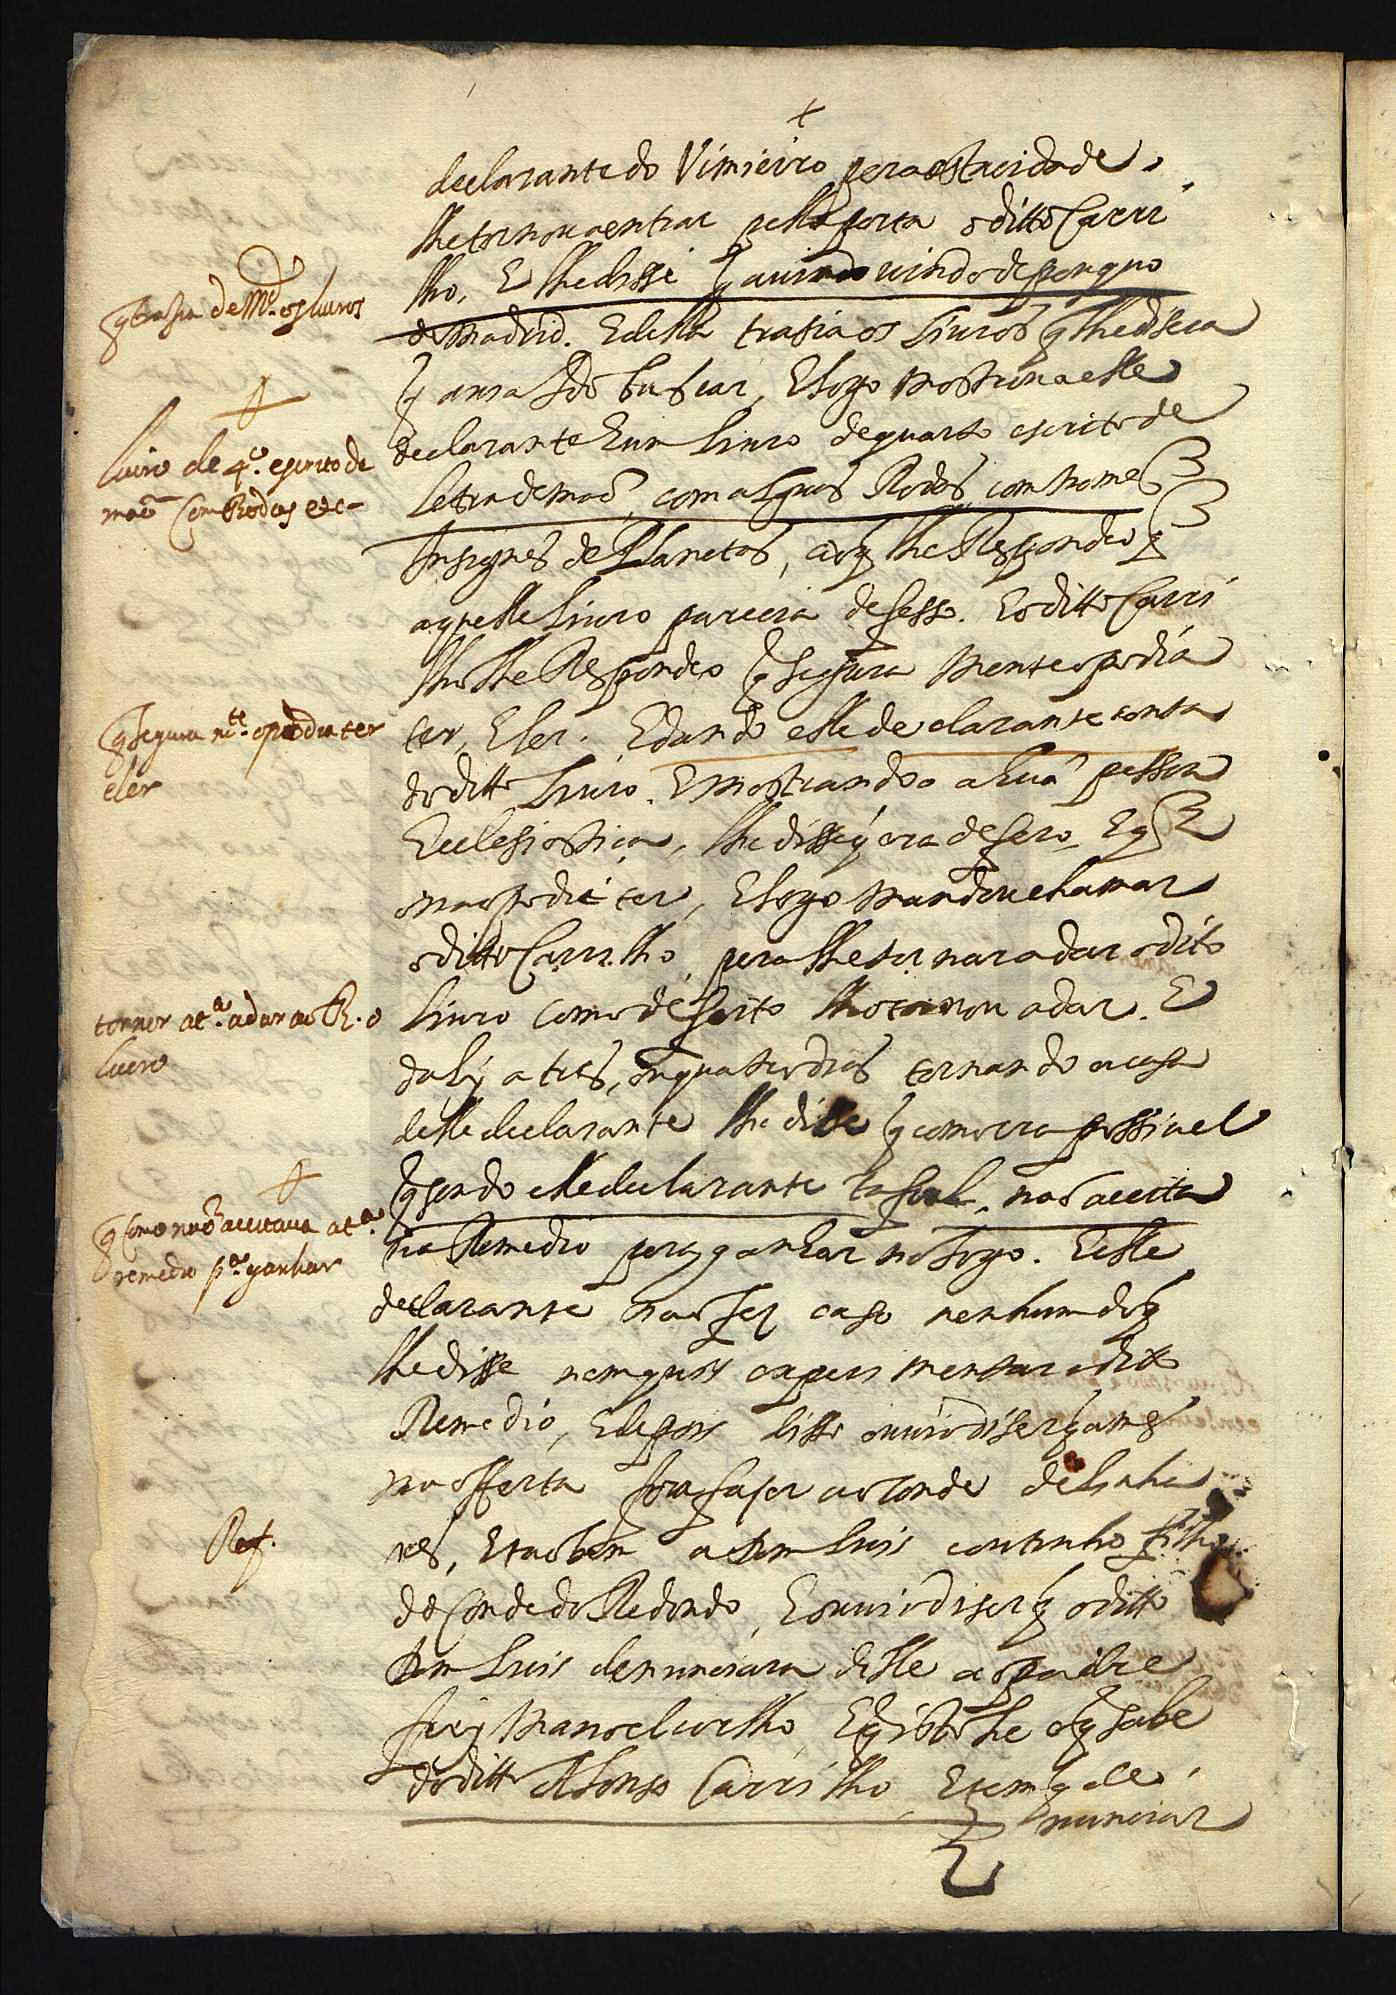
q̄ trazia de Md. os liuros
liuro de 4.o escrito de
maõ Com Rodas &c-
q̄ seguramte. o podia ter
e ler
tornor a ta. a dar ao R. o
liuro
q̄ Como naõ aceitaua a ta.
remedio p.a ganhar
Ref.
declarante do Vimieiro pera esta cidade,
lhe tornou a entrar pella porta o ditto Carri
lho, E lhe disse q̄ auiado uindo de pouquo
de madrid. E della trasia os Liuros q̄ lhe disera
q̄ auia Ido buscar, E logo mostrou a elle
declarante hum Liuro de quarto escrito de
Letra de maõ, com alguās Rodas, com nomes
Insignes de Planetas, ao q̄ lhe Respondeo q̄
aquelle Liuro parecia defesso. E o ditto Carri
lho lhe Respondeo q̄ seguramente o podia
ter, E ler. E dando elle declarante conta
do ditto Liuro. E mostrandoo a huā pessoa
Ecclesiastica, lhe disse q̄ era defezo, E q̄
o naõ podia ter, E logo mandou chamar
o ditto Carrilho, pera lhe tornar a dar o dito
Liuro como de feito lho tornou a dar. E
daly a tres, ou quatro dias tornando a casa
delle declarante lhe disse q̄ como era possiuel
q̄ sendo elle declarante taful, naõ aceita
ua Remedio pera ganhar no Iogo. E elle
declarante naõ fez caso nenhum do q̄
lhe disse nem quis experimentar o ditto
Remedio, E depois disso ouuio diser q̄ a mes
ma offerta fora fazer ao conde de Linha
res, E taõbem a Dom luis coutinho filho
do Conde do Redondo, E ouuio diser q̄ o ditto
Dom Luis denunciara delle ao padre
frey Manoel coelho, E q̄ isto he o q̄ sabe
do ditto Alonso Carrilho, E tem q̄ de
nunciar
